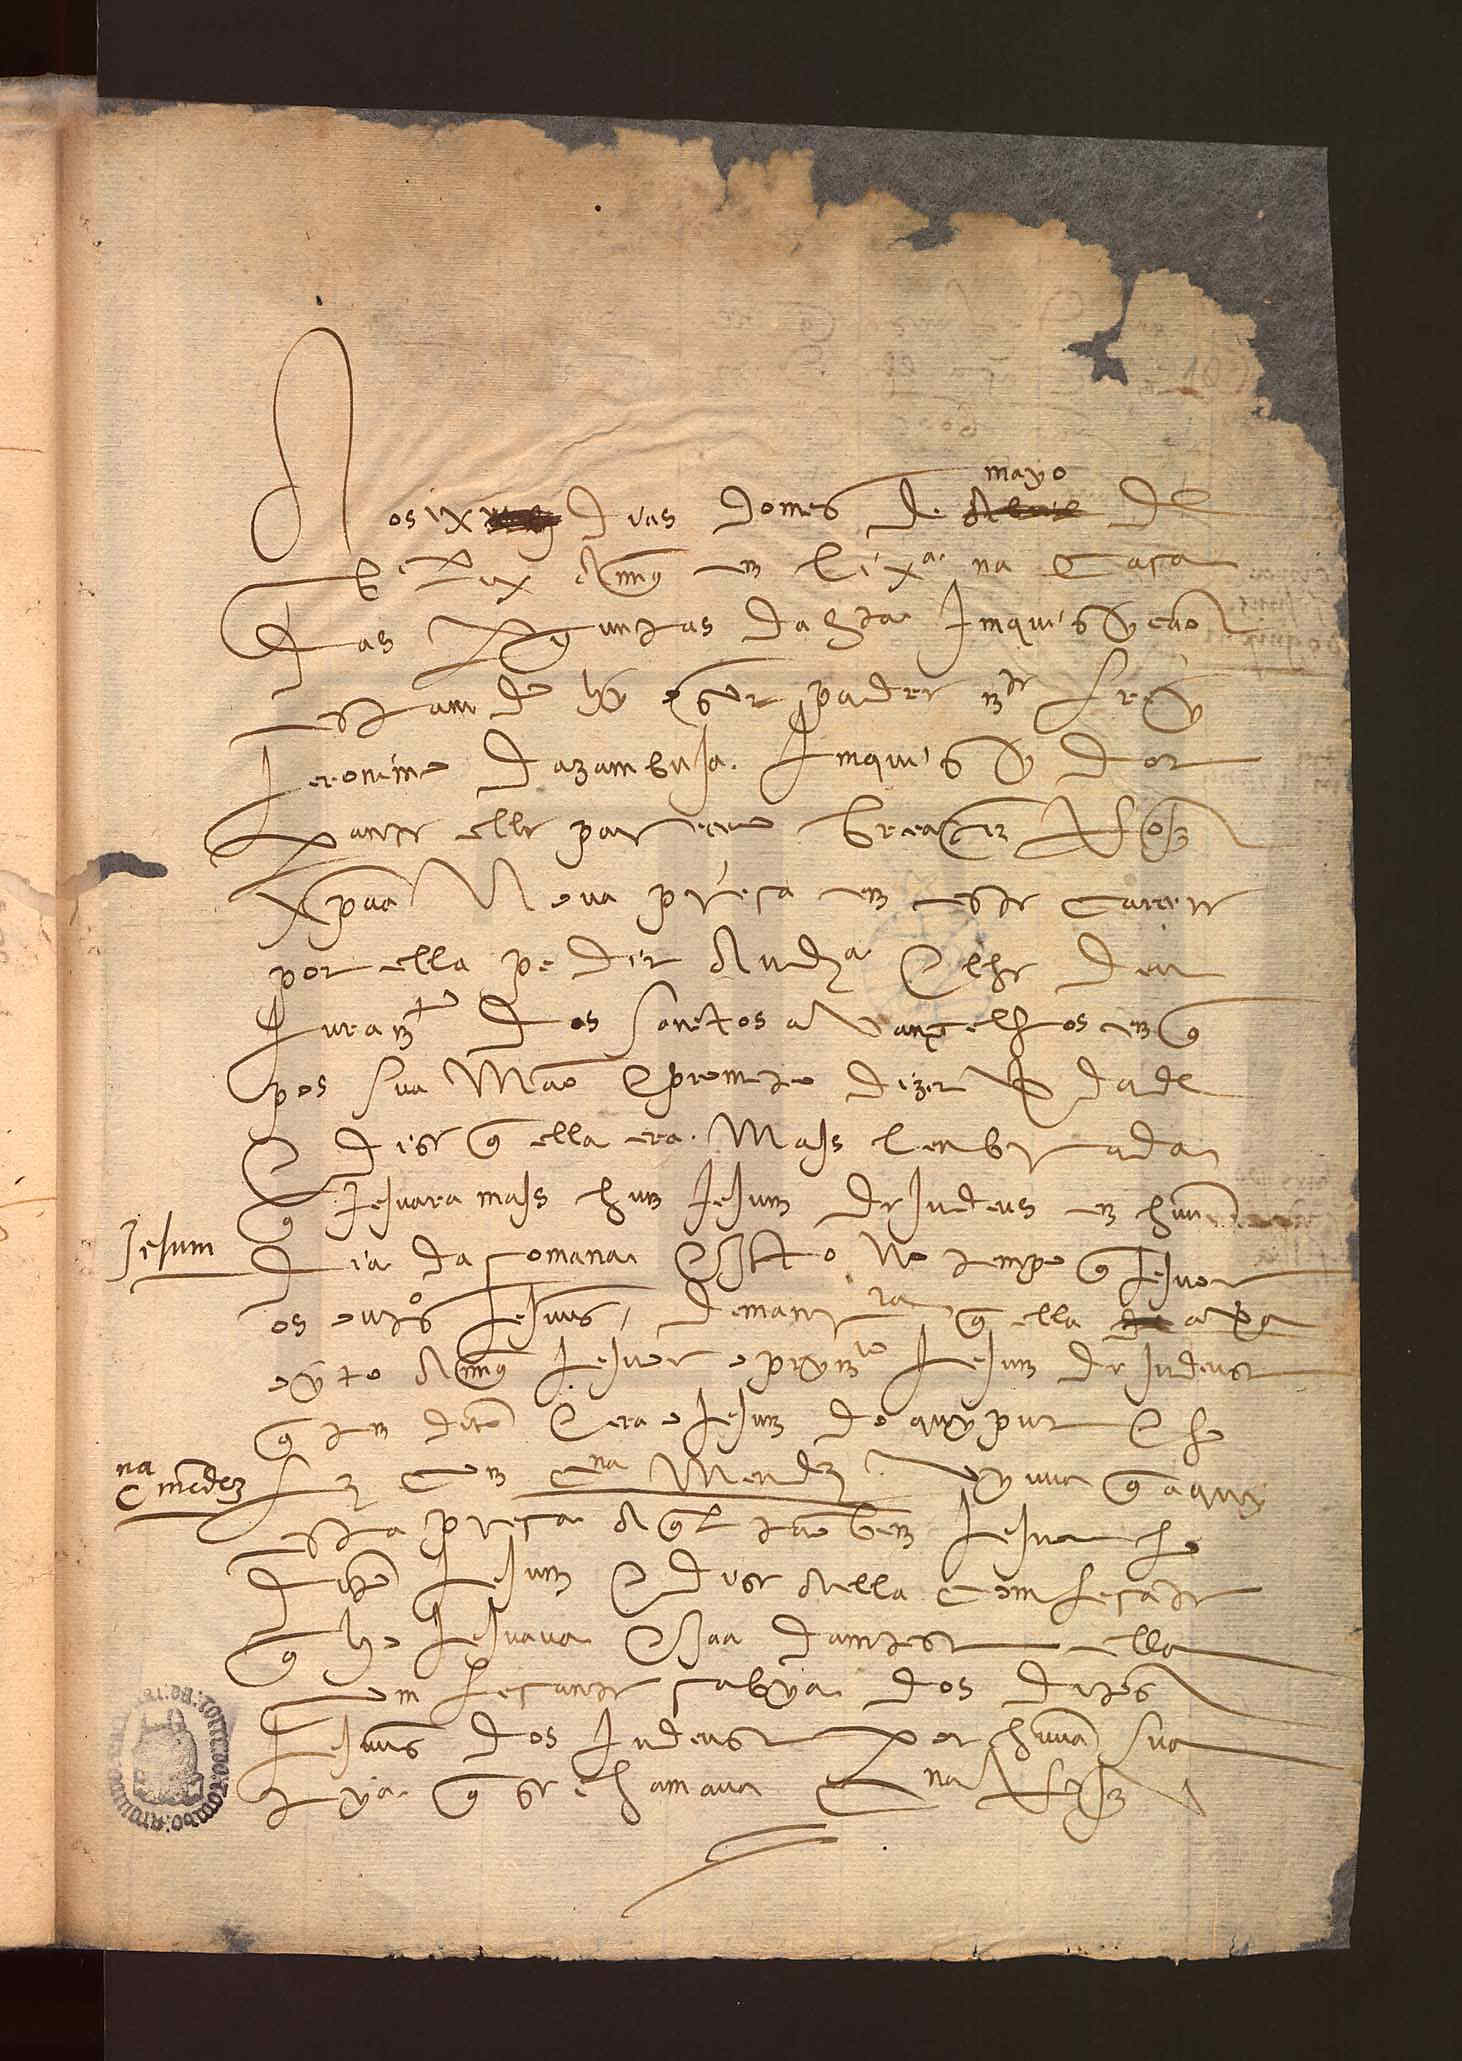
Aos ix _ dias do mes de mayo de
j̄ bcLix Annꝯ em lixa na Casa
das ꝑguntas da Sta Jmquisyção
estamdo hy o s̄or padre mte frey
Jeronimo dazambuJa Jmquisydor
ꝑante elle pareçeo breatiz Rōjz
xp̄aa Noua presa em este carçere
por ella pedir Audja e lhe deu
Juramto dos Sanctos avangelhos em q̄
pos Sua Mão e prometeo dizer ꝟdade
e dise q̄ ella era Majs lenbrada
q̄ JeJuara maJs hum JeJum de Judeus em hūu
dia da somana e Jsto No tempo q̄ JeJuou
os outos JeJūus / de manrra q̄ ella _ aꝟa
oyto Annꝯ JeJuou o prymro JeJum de Judeus
q̄ tem dit̄o e era o JeJum do quypur e ho
fez Com Cna Mendez Vyuva q̄ aquy
esta presa A q̄l tãobem JeJuou ho
dit̄o JeJum e dise A ella comfesate
q̄ ho JeJuava e Jaa damtes ella
Comfesante sabya dos ditos
JeJūus dos Judeus por hūua sua
tya q̄ se chamaua Cna Roj̄z
